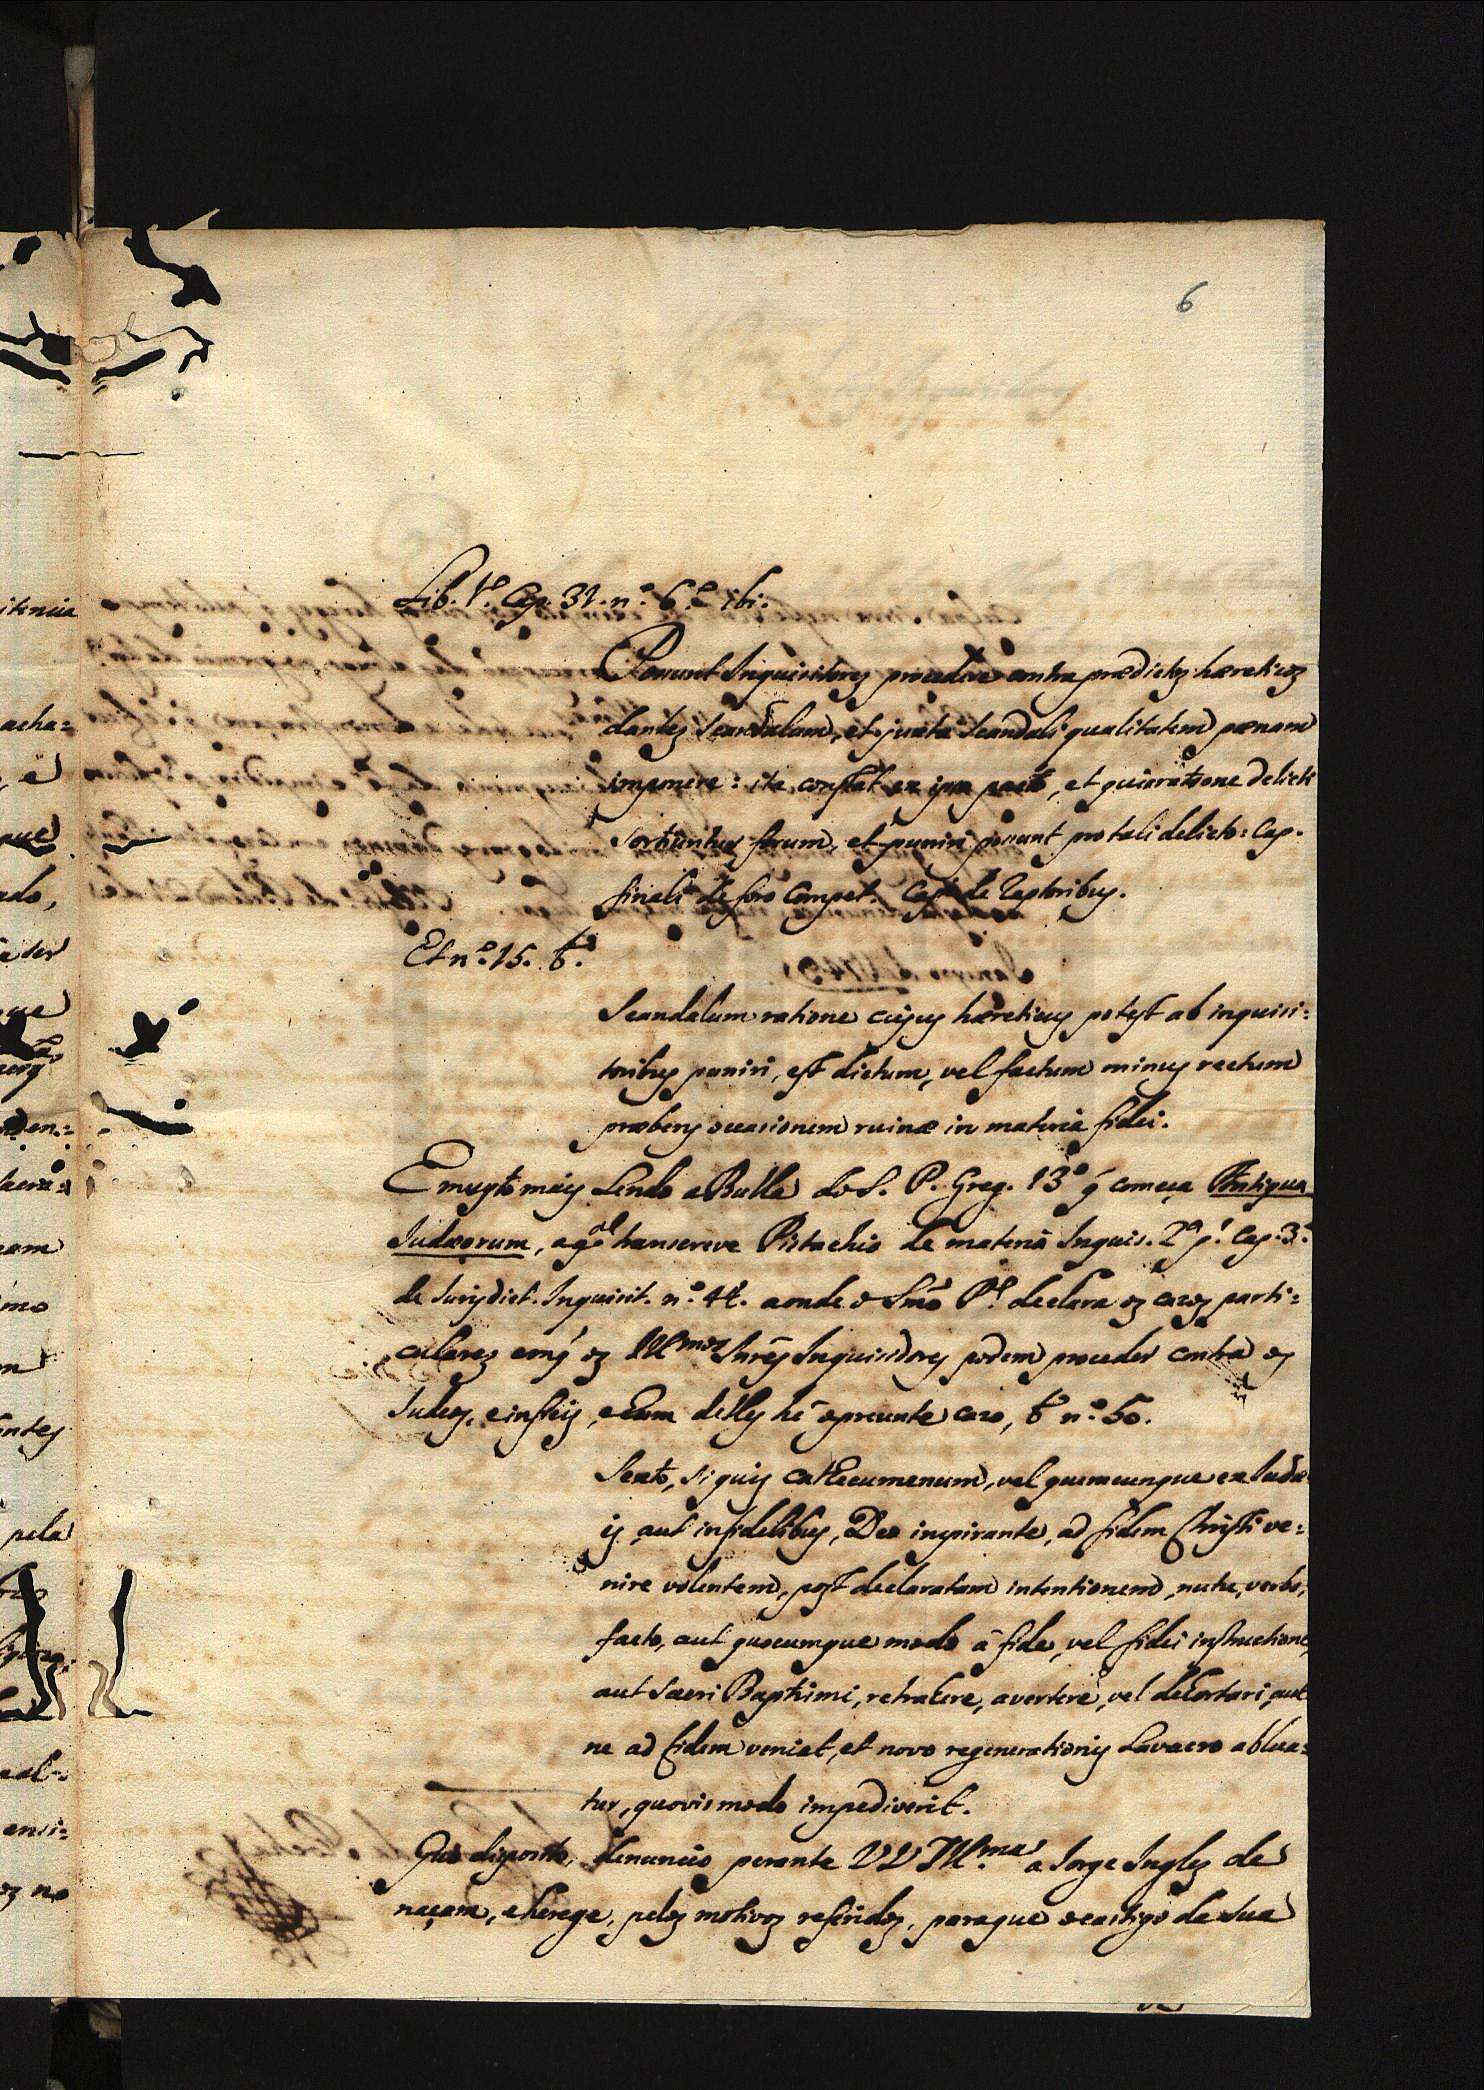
Lib.t.o Cap. 31. n.o 6.o ibi.
Possunt Inquisitorez procedere contra predictos hereticoz
dantez scandulam, et junta scandali qualitatem pænam
imponere: ita constatan ipso pacto, et quia ratione delicti
sortiuntur forum, et punire possunt pro tali delicto: Cap.
finali de foro compet. cap de Reptoribus.
Et n.o 15. t̄.o
Scandalum ratione cujus hereticus potest ab inquisi
toribus puniri, est dictum, vel factum minus rectum
probens occasionem ruinæ in materia fidei.
E muyto mais Lendo a Bulla do S. P. Greg. 13o q̄ começa Antiqua
Iudæorum, a q.al transcreve Pistachio de materia Inquis. 2a p.a Cap. 3.o
de Iurisdict. Inquisit. n.o 44. aonde o Sm̄o P.e declara oz cazos parti
culares em q̄ oz Illmos Snrēs Inquisidores podem proceder contra os
Iudeos, e infieis, e hum delles hé o prezente cazo, t̄ n.o 50.
Sexto, si quis cathecumenum, vel quemcunque ex Iudæ
is aut infidelibus, Deo inspirante, ad fidem Christi ve
nire volentem, post declaratam intentionem, nutu, verbo,
facto, aut quocumque modo á fide, vel fidei instructione,
aut sacri Baptismi, retrahere, avertere, vel dehortari, aut
ne ad fidem veniat, et novo regenerationis Lavacro ablua
tur, quovis modo impediverit.
Que dispostto, denuncio perante VV. Ill.ma a Iorge Inglez de
naçam, e herege, peloz motivoz referidoz, para que o castigo da Sua
